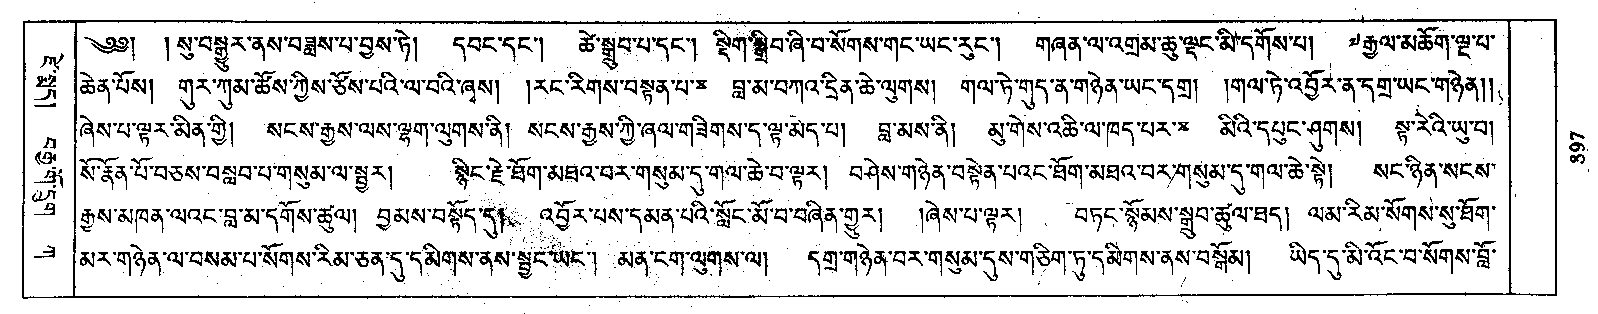༄༅། །སུ་བསྒྱུར་ནས་བཟླས་པ་བྱས་ཏེ། དབང་དང་། ཚེ་སྒྲུབ་པ་དང་། སྡིག་སྒྲིབ་ཞི་བ་སོགས་གང་ཡང་རུང་། གཞན་ལ་འགྲམ་ཆུ་ལྡང་མི་དགོས་པ། ༧་རྒྱལ་མཆོག་ལྔ་པ་
ཆེན་པོས། གུར་ཀུམ་ཚོས་ཀྱིས་ཙོས་པའི་ལ་བའི་ཞྭས། །རང་རིགས་བསྟན་པ་྾་བླ་མ་བཀའ་དྲིན་ཆེ་ལུགས། གལ་ཏེ་གུད་ན་གཉེན་ཡང་དགྲ། །གལ་ཏེ་འབྱོར་ན་དགྲ་ཡང་གཉེན། །
ཞེས་པ་ལྟར་མིན་གྱི། སངས་རྒྱས་ལས་ལྷག་ལུགས་ནི། སངས་རྒྱས་ཀྱི་ཞལ་གཟིགས་ད་ལྟ་མེད་པ། བླ་མས་ནི། མུ་གེས་འཆི་ལ་ཁད་པར་྾་མིའི་དཔུང་ཤུགས། སྟ་རེའི་ཡུ་བ།
སོ་རྣོན་པོ་བཅས་བསླབ་པ་གསུམ་ལ་སྦྱར། སྙིང་རྗེ་ཐོག་མཐའ་བར་གསུམ་དུ་གལ་ཆེ་བ་ལྟར། བཤེས་གཉེན་བསྟེན་པའང་ཐོག་མཐའ་བར་གསུམ་དུ་གལ་ཆེ་སྟེ། སང་ཉིན་སངས་
རྒྱས་མཁན་ལའང་བླ་མ་དགོས་ཚུལ། བྱམས་བསྟོད་དུ། འབྱོར་པས་དམན་པའི་སློང་མོ་བ་བཞིན་གྱུར། །ཞེས་པ་ལྟར། བཏང་སྙོམས་སྒྲུབ་ཚུལ་ཐད། ལམ་རིམ་སོགས་སུ་ཐོག་
མར་གཉེན་ལ་བསམ་པ་སོགས་རིམ་ཅན་དུ་དམིགས་ནས་སྦྱང་ཡང་། མན་ངག་ལུགས་ལ། དགྲ་གཉེན་པར་གསུམ་དུས་གཅིག་ཏུ་དམིགས་ནས་བསྒོམ། ཡིད་དུ་མི་འོང་བ་སོགས་བློ་